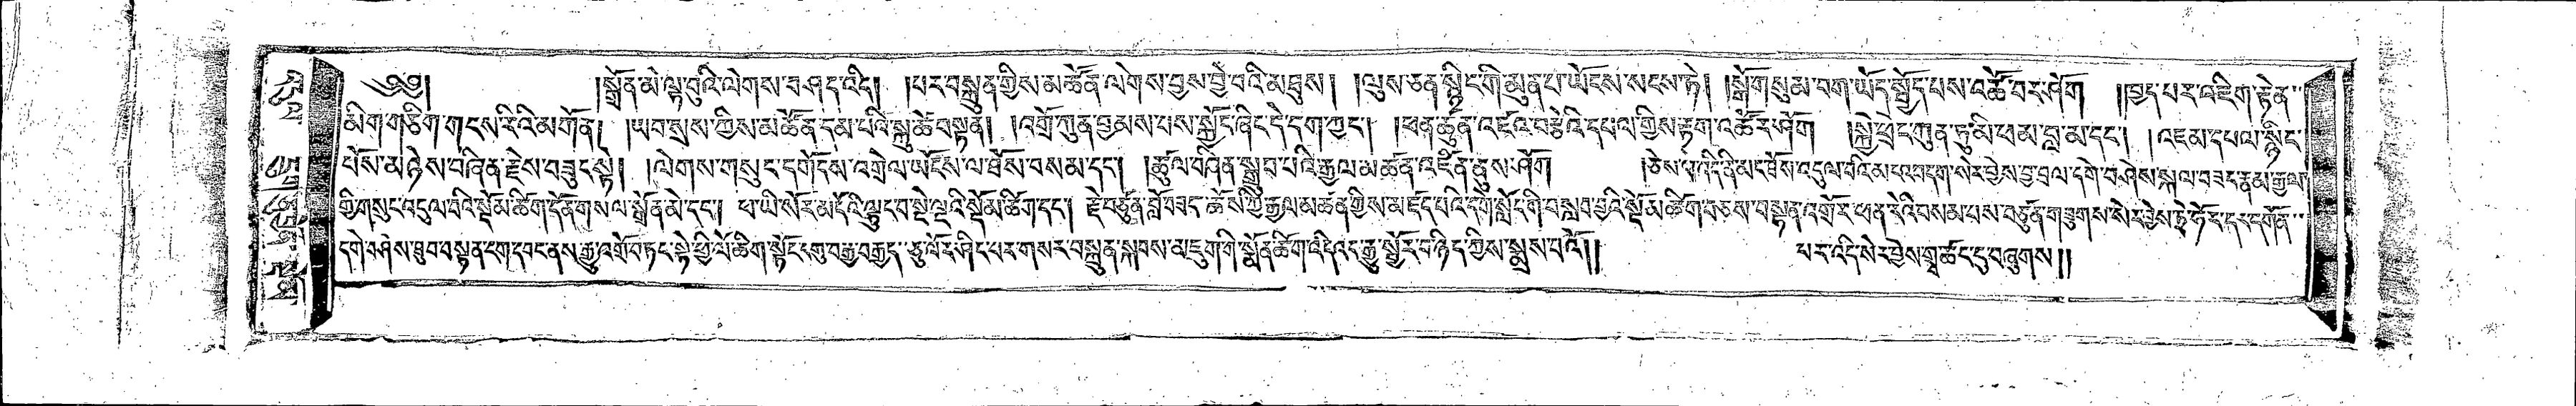༄༅། །སྒྲོན་མེ་ལྟ་བུའི་ལེགས་བཤད་འདི། །པར་བསྐྲུན་གྱིས་མཚོན་ལེགས་བྱས་བྱེ་བའི་མཐུས། །ལུས་ཅན་སྙིང་གི་མུན་པ་ཡོངས་སངས་ཏེ། །སྒོ་གསུམ་བག་ཡོད་སྦྱོད་པས་འཚོ་བར་ཤོག །ཁྱད་པར་འཇིག་རྟེན་
མིག་གཅིག་གངས་རིའི་མགོན། །ཡབ་སྲས་ཀྱིས་མཚོན་དམ་པའི་སྐུ་ཚེ་བསྟན། །འགྲོ་ཀུན་བྱམས་པས་སྐྱོང་ཞིང་དེ་དག་ཀྱང་། །ཕན་ཚུན་འཛའ་བརྩེའི་དཔལ་གྱིས་རྟག་འཚོར་ཤོག །སྐྱེ་ཕྲེང་ཀུན་ཏུ་མི་ཕམ་བླ་མ་དང་། །འཇམ་དཔལ་སྙིང་
པོས་མཉེས་བཞིན་རྗེས་བཟུང་སྟེ། །ལེགས་གསུངས་དགོངས་འགྲེལ་ཡོངས་ལ་ཐོས་བསམ་དང་། །ཚུལ་བཞིན་སྒྲུབ་པའི་རྒྱལ་མཚན་འཛིན་ནུས་ཤོག །ཅེས་པ་འདི་ནི་མང་ཐོས་འདུལ་བའི་མངའ་བདག་སེར་བྱེས་བྱ་བྲལ་དགེ་བཤེས་སྐལ་བཟང་རྣམ་རྒྱལ་
གྱི་གསུང་འདུལ་བའི་སྡོམ་ཚིག་དོན་གསལ་སྒྲོན་མེ་དང་། ཕ་ཡི་སོར་མདོའི་ལྟུང་བ་སྡེ་ལྔའི་སྡོམ་ཚིག་དང་། རྗེ་བཙུན་བློ་བཟང་ཆོས་ཀྱི་རྒྱལ་མཚན་གྱིས་མཛད་པའི་དགེ་སློང་གི་བསླབ་བྱའི་སྡོམ་ཚིག་བཅས་བསྟན་འགྲོར་ཕན་རེའི་བསམ་པས་བཙུན་གཟུགས་སེར་བྱེས་ཏྲེ་ཧོར་དར་དགོན་
དགེ་བཤེས་ཐུབ་བསྟན་ངག་དབང་ནས་རྒྱུ་འགྲོ་བཏང་སྟེ་ཕྱི་ལོ་ཆིག་སྟོང་དགུ་བརྒྱ་བརྒྱད་ཅུ་ལོར་ཤིང་པར་གསར་བསྐྲུན་སྐབས་མཇུག་གི་སྨོན་ཚིག་འདིའང་རྒྱུ་སྦྱོར་བ་ཉིད་ཀྱིས་སྨྲས་པའོ།། པར་འདི་སེར་བྱེས་གྲྭ་ཚང་དུ་བཞུགས།།